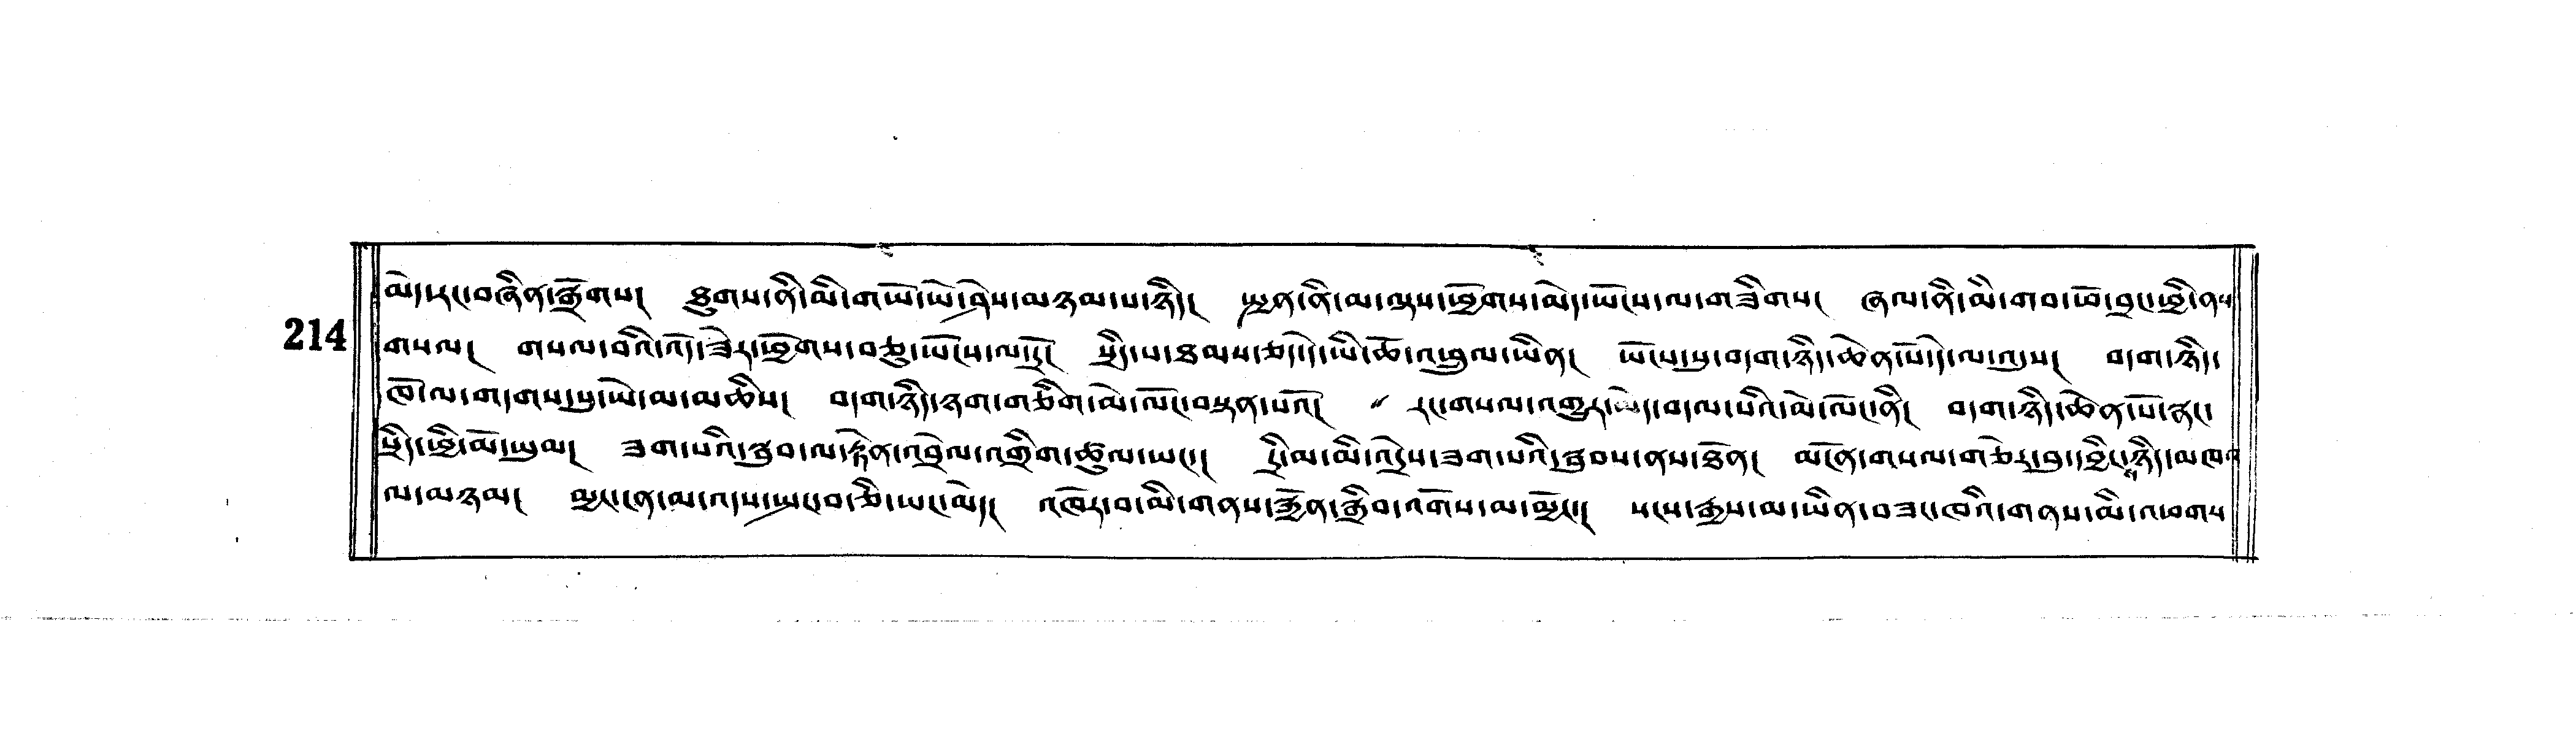མེད་རང་བཞིན་སྒྲོགས། ཐུགས་ནི་མི་གཡོ་ཡེ་ཤེས་མཉམ་པ་ཉིད། སྤྱན་ནི་མ་བལྟས་ཕྱོགས་མེད་ཡོངས་ལ་གཟིགས། ཞལ་ནི་མི་གབ་ཕོ་བྲང་ཕྱི་ནས་
གསལ། གསལ་བའི་འོད་ཟེར་ཕྱོགས་བཅུ་ཡོངས་ལ་དྲོ། སྲིད་པ་ཐམས་ཅད་དེ་ཡི་ཆོ་འཕྲུལ་ཡིན། ཡོངས་སུ་བདག་ཉིད་ཆེན་པོ་དེ་ལ་འདུས། བདག་ཉིད་
ཁོ་ལ་གདགས་སུ་ཡེ་མ་མཆིས། བདག་ཉིད་ཉག་ཅིག་མེ་ལོང་བསྟན་པའོ།། ༧ རང་གསལ་འགྱུར་མེད་བདལ་པའི་མེ་ལོང་ནི། བདག་ཉིད་ཆེན་པོ་སྣང་
སྲིད་ཕྱི་མོ་ཡུམ། ཟག་པའི་སྦུབས་ལ་རྟེན་འབྲེལ་འགྲིག་ཚུལ་ཡང་། དྲི་ལ་མི་འདྲེས་ཟག་པའི་སྦུབས་ནས་ཐོན། མངོན་གསལ་གཅེར་བུ་དབྱིངས་ཉིད་མཁའ་
ལ་མཉམ། མྱ་ངན་མ་འདས་སྤང་བ་ཅི་ཡང་མེད། འཁོར་བ་མི་གནས་སྐྱོན་སྒྲིབ་འགོས་མ་མྱོང་། སངས་རྒྱས་མ་ཡིན་བཟང་ཁའི་གནས་མི་འཕགས།